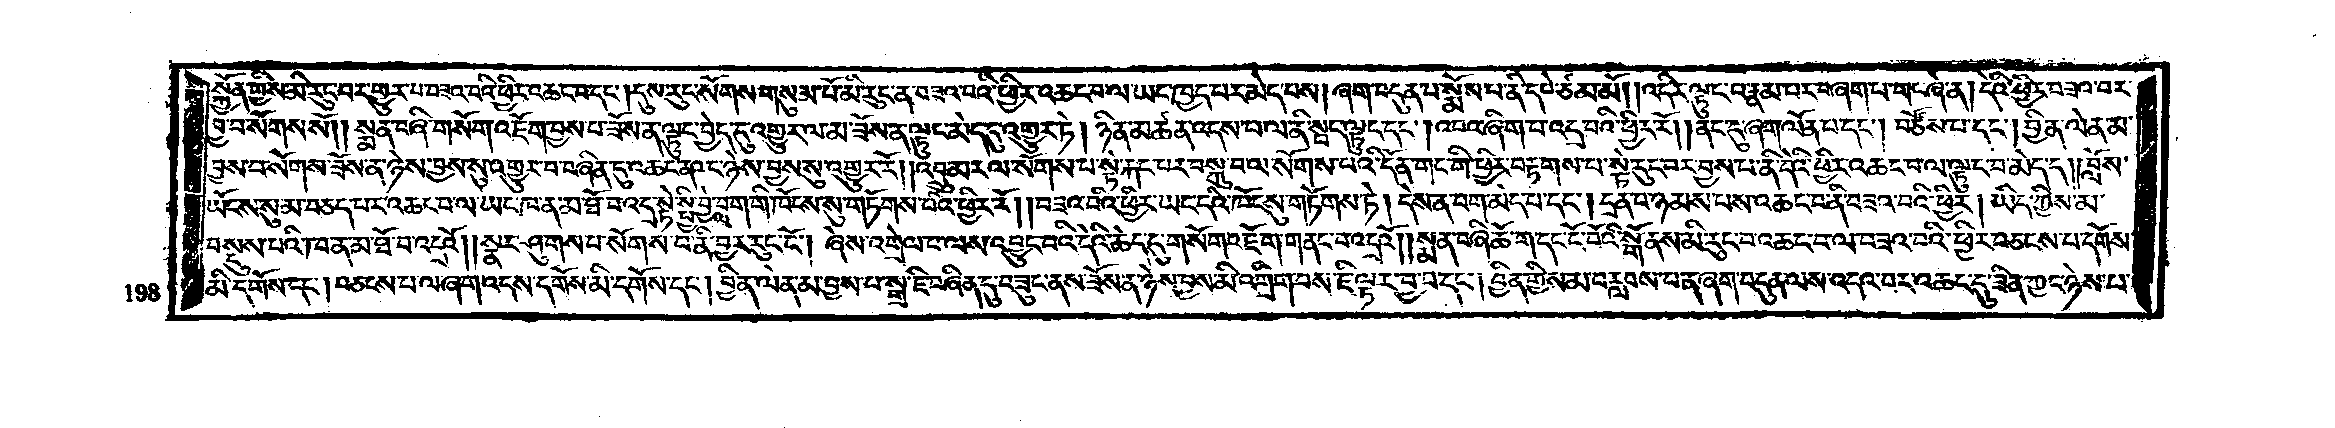སྐྱོན་གྱིས་མི་རུང་བར་གྱུར་པ་བཟའ་བའི་ཕྱིར་འཆང་བ་དང་། དུས་རུང་སོགས་གསུམ་པོ་མི་རུང་ན་བཟའ་བའི་ཕྱིར་འཆང་བ་ལ་ཡང་ཁྱད་པར་མེད་པས། ཞག་བདུན་པ་སྨོས་པ་ནི་དཔེ་ཙམ་མོ། །འདིར་ལྟུང་བ་རྣམ་པར་བཞག་པ་གང་ཞེ་ན། དེའི་ཕྱིར་བཟའ་བར་
བྱ་བ་སོགས་སོ། །སྨན་བཞི་གསོག་འཇོག་བྱས་པ་ཟོས་ན་ལྟུང་བྱེད་དུ་འགྱུར་ལ་མ་ཟོས་ན་ལྟུང་མེད་དུ་འགྱུར་ཏེ། ཉིན་མཚན་འདས་པ་ལ་ནི་སྤང་ལྟུང་དང་། འབའ་ཞིག་པ་འདྲ་བའི་ཕྱིར་རོ། །ནང་དུ་ཞག་ལོན་པ་དང་། བཙོས་པ་དང་། བྱིན་ལེན་མ་
བྱས་པ་སོགས་ཟོས་ན་ཉེས་བྱས་སུ་འགྱུར་བ་བཞིན་དུ་འཆང་ནའང་ཉེས་བྱས་སུ་འགྱུར་རོ། །འབྲུ་མར་ལ་སོགས་པ་སྟེ་རྐང་པར་བསྐུ་བ་ལ་སོགས་པའི་དོན་གང་གི་ཕྱིར་བརྟགས་པ་སྟེ་རུང་བར་བྱས་པ་ནི་དེའི་ཕྱིར་འཆང་བ་ལ་ལྟུང་བ་མེད་དོ། །བློས་
ཡོངས་སུ་མ་བཅད་པར་འཆང་བ་ལ་ཡང་ཁ་ན་མ་ཐོ་བ་འདྲ་སྟེ་སྤྱི་བྱེ་བྲག་གི་ཁོངས་སུ་གཏོགས་པའི་ཕྱིར་རོ། །བཟའ་བའི་ཕྱིར་ཡང་དེའི་ཁོངས་སུ་གཏོགས་ཏེ། དེས་ན་བག་མེད་པ་དང་། དྲན་པ་ཉམས་པས་འཆང་བ་ནི་བཟའ་བའི་ཕྱིར། ཡིད་ཀྱིས་མ་
བསྡུས་པའི་ཁ་ན་མ་ཐོ་བ་འདྲའོ། །སྣར་ཤུགས་པ་སོགས་པ་ནི་བྱར་རུང་ངོ། ཞེས་འགྲེལ་པ་ལས་འབྱུང་བའི་དེའི་ཆེད་དུ་གསོག་འཇོག་གནང་བ་འདྲའོ། །སྨན་བཞི་ཆོ་ག་དང་ངོ་བོའི་སྒོ་ནས་མི་རུང་བ་འཆང་བ་ལ་བཟའ་བའི་ཕྱིར་བཅངས་པ་དགོས་
མི་དགོས་དང་། བཅངས་པ་ལ་ཞག་འདས་དགོས་མི་དགོས་དང་། བྱིན་ལེན་མ་བྱས་པ་སྒྲ་ཇི་བཞིན་དུ་བཟུང་ནས་ཟོས་ན་ཉེས་བྱས་མི་འགྲིག་པས་ཇི་ལྟར་བྱ་བ་དང་། བྱིན་གྱིས་མ་བརླབས་པ་ན་ཞག་བདུན་ལས་འདའ་བར་འཆང་དུ་ཟིན་ཀྱང་ཉས་པ་